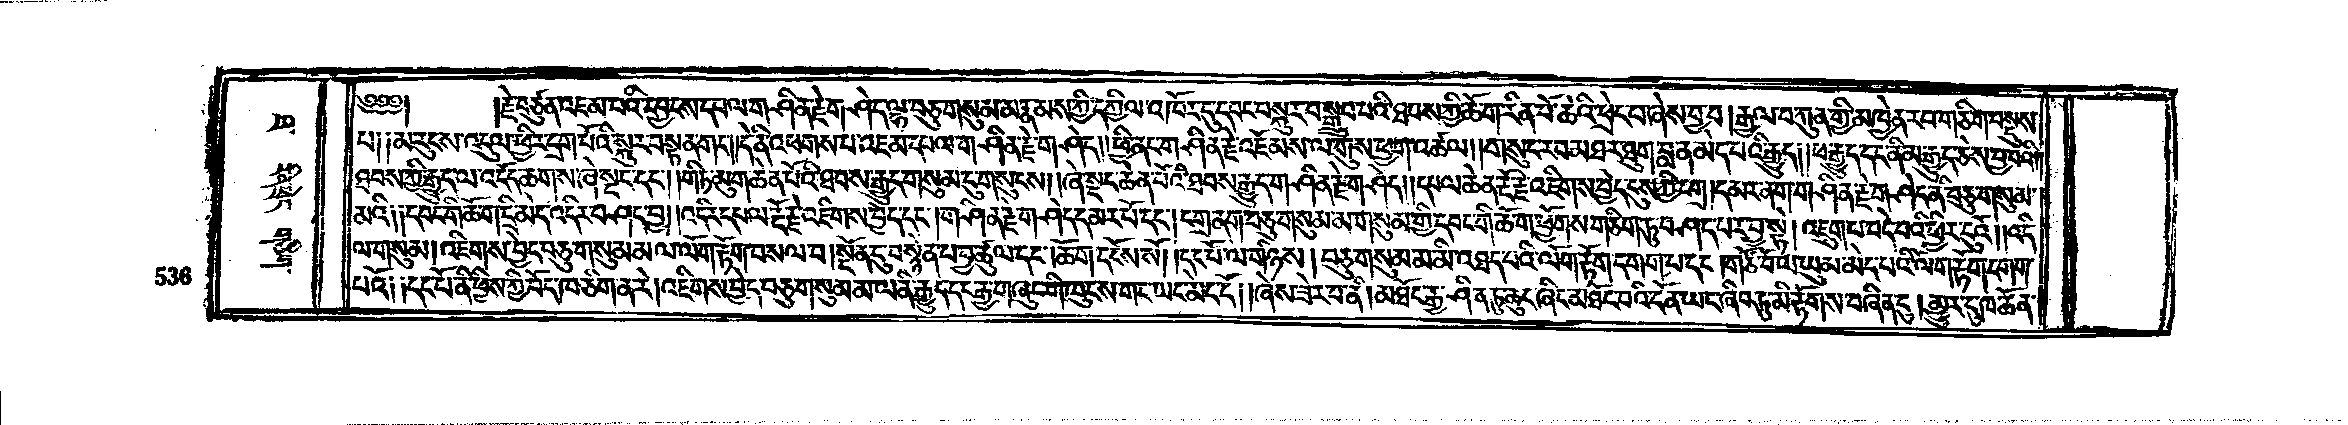༄༅༅། །རྗེ་བཙུན་འཇམ་པའི་དབྱངས་དཔལ་གཤིན་རྗེ་གཤེད་ལྷ་བཅུ་གསུམ་མ་རྣམས་ཀྱི་དཀྱིལ་འཁོར་དུ་དབང་བསྐུར་བ་སྒྲུབ་པའི་ཐབས་ཀྱི་ཆོ་ག་རིན་པོ་ཆེའི་ཕྲེང་བ་ཞེས་བྱ་བ། རྒྱལ་བ་ཀུན་གྱི་མཁྱེན་རབ་གཅིག་བསྡུས་
པ། །མ་རུངས་འདུལ་ཕྱིར་དྲག་པོའི་སྐུར་བསྟན་གང་། །དེ་ནི་འཕགས་པ་འཇམ་དཔལ་གཤིན་རྗེ་གཤེད། །ཕྱི་ནང་གཤིན་རྗེ་འཇོམས་ལ་གུས་ཕྱག་འཚལ། །གསུང་རབ་མཐར་ཐུག་བླ་ན་མེད་པའི་རྒྱུད། །ཕ་རྒྱུད་དང་ནི་མ་རྒྱུད་ཅེས་བྱ་བའི།
ཐབས་ཀྱི་རྒྱུད་ལ་འདོད་ཆགས་ཞེ་སྡང་དང་། །གཏི་མུག་ཆེན་པོའི་ཐབས་རྒྱུད་གསུམ་དུ་གསུངས། །ཞེ་སྡང་ཆེན་པོའི་ཐབས་རྒྱུད་གཤིན་རྗེ་གཤེད། །དཔལ་ཆེན་རྡོ་རྗེ་འཇིགས་བྱེད་དུས་ཀྱི་དགྲ། དམར་ནག་གཤིན་རྗེ་གཤེད་ནི་བཅུ་གསུམ་
མའི། །དབང་གི་ཆོ་ག་དྲི་མེད་འདིར་བཤད་བྱ། །འདིར་དཔལ་རྡོ་རྗེ་འཇིགས་བྱེད་དང་། གཤིན་རྗེ་གཤེད་དམར་པོ་དང་། དགྲ་ནག་བཅུ་གསུམ་མ་གསུམ་གྱི་དབང་གི་ཆོ་ག་ཕྱོགས་གཅིག་ཏུ་བཤད་པར་བྱ་སྟེ། འཇུག་པ་བདེ་བའི་ཕྱིར་དུའོ། །འདི་
ལ་གསུམ། འཇིགས་བྱེད་བཅུ་གསུམ་མལ་ལོག་རྟོག་བསལ་བ། སྔོན་དུ་བསྙེན་པ་བྱ་ཚུལ་དང་། ཆོ་ག་དངོས་སོ། །དང་པོ་ལ་གཉིས། བཅུ་གསུམ་མ་མི་འཐད་པའི་ལོག་རྟོག་དགག་པ་དང་། གཙོ་བོ་ལ་ཡུམ་མེད་པའི་ལོག་རྟོག་དགག་
པའོ། །དང་པོ་ནི་ཕྱིས་ཀྱི་བོད་ཁ་ཅིག་ན་རེ། འཇིགས་བྱེད་བཅུ་གསུམ་མ་ལ་ནི་རྒྱུད་དང་རྒྱ་གཞུང་གི་ཁུངས་གང་ཡང་མེད་དོ། །ཞེས་ཟེར་བ་ནི། མཐོང་རྒྱ་ཤིན་ཏུ་ཆུང་ཞིང་མཐོང་བའི་དོན་ཡང་ཞིབ་ཏུ་མི་རྟོགས་བཞིན་དུ། མྱུར་དུ་ཁ་ཚོན་